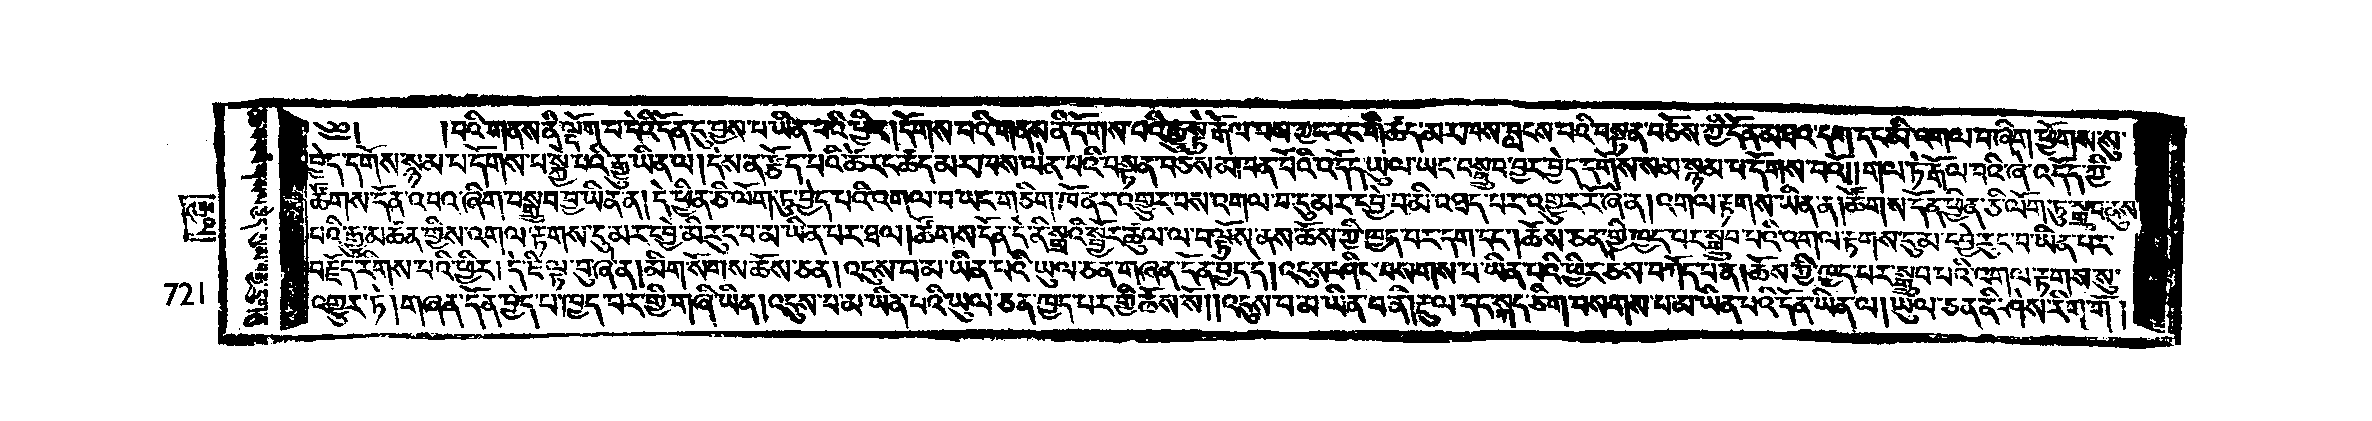༄༅། །པའི་གནས་ནི་ལྡོག་པ་དེའི་དོན་དུ་བྱས་པ་ཡིན་པའི་ཕྱིར་།དགོས་པ་གནས་ནི་དོགས་པའི་རྒྱུ་སྟེ་རྒོལ་བས་ཀྱང་རང་གི་ཚད་མར་ཁས་བླངས་པའི་བསྟན་བཅོས་ཀྱི་དོན་མཐའ་དག་དང་མི་འགལ་བ་ཞིག་ཕྱོགས་སུ་
བྱེད་དགོས་སྙམ་པ་དོགས་པ་སྐྱེ་བའི་རྒྱུ་ཡིན་ལ། དེས་ན་རྩོད་པའི་ཚོ་རང་ཚད་མར་ཁས་ལེན་པའི་བསྟན་བཅོས་མཁན་པོའི་འདོད་ཡུལ་ཡང་བསྒྲུབ་བྱར་བྱེད་དགོས་སམ་སྙམ་པ་དོགས་བའོ། །གལ་ཏེ་རྒོལ་བའི་ཞེ་འདོད་ཀྱི་
ཚོགས་དོན་འབའ་ཞིག་བསྒྲུབ་བྱ་ཡིན་ན། དེ་ཕྱིན་ཅི་ལོག་ཏུ་བྱེད་པའི་འགལ་བ་ཡང་གཅིག་ཁོ་ནར་འགྱུར་བས་འགལ་བ་དུ་མར་དབྱེ་བ་མི་འཐད་པར་འགྱུར་རོ་ཞེ་ན། འགལ་རྟགས་ཡིན་ན། ཚོགས་དོན་ཕྱིན་ཅི་ལོག་ཏུ་སྒྲུབ་ནུས་
པའི་རྒྱུ་མཚན་གྱིས་འགལ་རྟགས་དུ་མར་དབྱེ་མི་རུང་བ་མ་ཡིན་པར་ཐལ། ཚོགས་དོན་དེ་ནི་སྒྲའི་སྦྱོར་ཚུལ་ལ་བལྟོས་ནས་ཆོས་ཀྱི་ཁྱད་པར་དག་དང་། ཆོས་ཅན་གྱི་ཁྱད་པར་སྒྲུབ་པའི་འགལ་རྟགས་དུ་མ་དབྱེ་རུང་བ་ཡིན་པར་
བརྗོད་རིགས་པའི་ཕྱིར། དེ་ཇི་ལྟ་བུ་ཞ་ན་།མིག་སོགས་ཆོས་ཅན། འདུས་པ་མ་ཡིན་པའི་ཡུལ་ཅན་གཞན་དོན་བྱེད་དེ་།འདུས་ཤིང་བསགས་པ་ཡིན་པའི་ཕྱིར་ཅེས་བཀོད་པ་ན་།ཆོས་ཀྱི་ཁྱད་པར་སྒྲུབ་པའི་འགལ་རྟགས་སུ་
འགྱུར་ཏེ། གཞན་དོན་བྱེད་པ་ཁྱད་པར་གྱི་གཞི་ཡིན་།འདུས་པ་མ་ཡིན་པའི་ཡུལ་ཅན་ཁྱད་པར་གྱི་ཆོས་སོ། །འདུས་པ་མ་ཡིན་བ་ནི། རྡུལ་དང་སྐད་ཅིག་བསགས་པ་མ་ཡིན་པའི་དོན་ཡིན་ལ་།ཡུལ་ཅན་ནི་ཤེས་རིག་གོ །